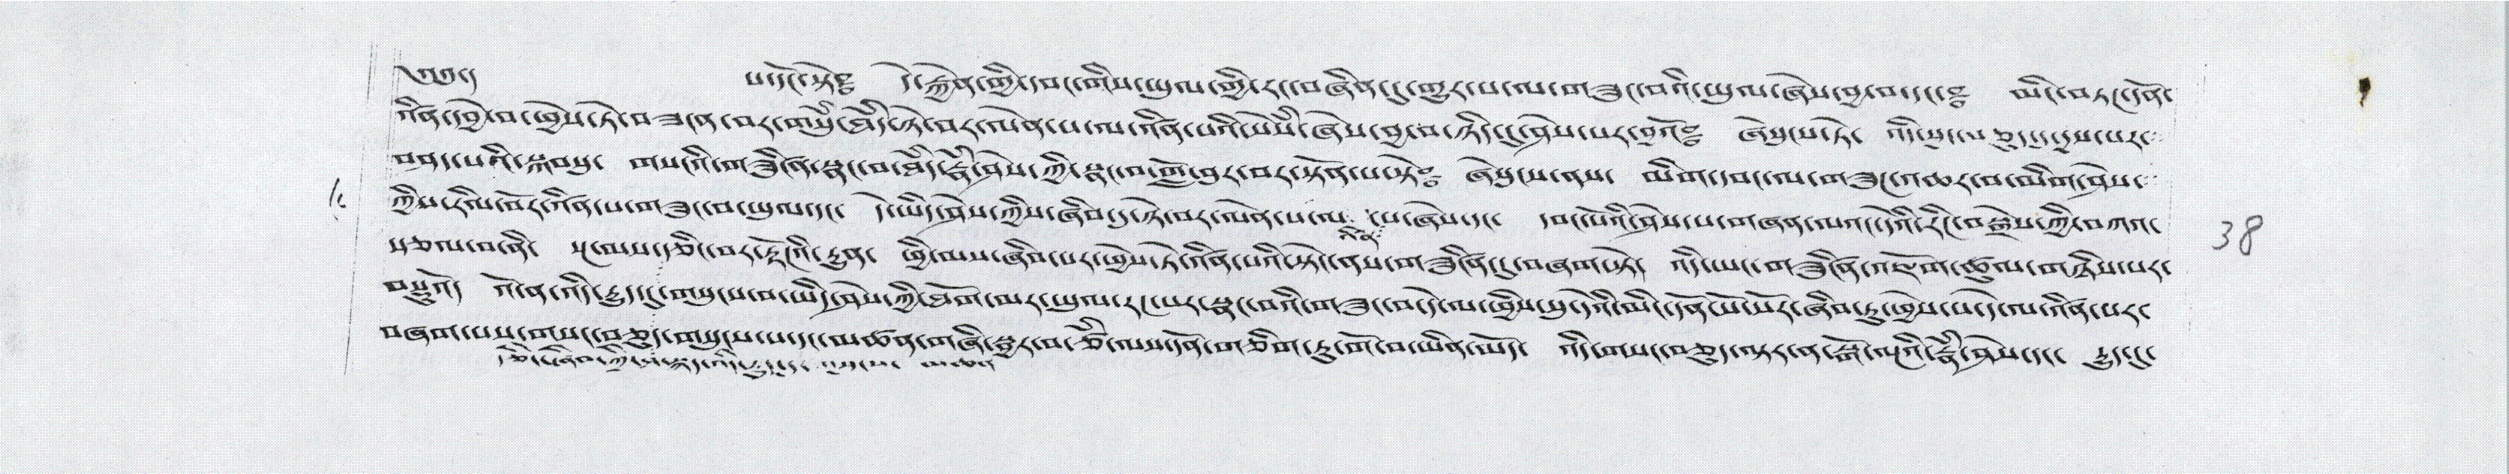པ་དང་པོ་སྟེ། དེ་རྐྱེན་གྱི་དབང་གིས་ཡུལ་གྱི་རང་བཞིན་དུ་གྱུར་པ་ལ་གཟུང་བའི་ཡུལ་ཞེས་བྱ་བ་དང་། མིང་བཏགས་དོན་
འཛིན་དབྱེ་བ་ཕྱེས་ཏེ་བཟང་ངན་བར་གསུམ་ཐམས་ཅད་ཉེ་བར་ལེན་པ་ལ་འཛིན་པའི་སེམས་ཞེས་བྱ་བ་ཉིད་དུ་ཤེས་པར་བྱའོཿ ཞེས་གསུངས་ཏེ། འདི་གསང་བཅུད་དུ་རྒྱས་པར་
བཤད་པའི་སྐབས་སུ། གསང་བའི་གཟུང་འཛིན་སྣང་བ་ཐམས་ཅད་རྣམ་ཤེས་ཀྱི་སྣང་བ་གློ་བུར་བར་སྟོན་པ་སྟེཿ ཞེས་གསུངས་ནས། མིག་དབང་ལ་གཟུགས་འཆར་བ་མིག་ཤེས་
ཀྱིས་རིལ་པོར་འཛིན་པ་གཟུང་བ་ཡུལ་དང་། དེ་ཡིད་ཤེས་ཀྱིས་ཞིབ་ཏུ་ཉེ་བར་ལེན་པ་ལ་འཛིན་པ་ཞེས་དང་། དབང་པོའི་ཤེས་པ་གཞན་ལའང་དེ་བཞིོན་རིགས་བསྒྲེས་ཀྱིས་བཀའ་
སྩལ་པ་ནི། སྔ་མས་རྩིང་པར་རྟོགས་པའི་རྒྱུན། ཕྱི་མས་ཞིབ་པར་ཕྱེས་ཏེ་འཛིན་པའི་སྟེང་ནས་གཟུང་འཛིན་དུ་བཞག་སྟེ། འདི་ཡང་གཟུང་འཛིན་འཇོག་ཚུལ་གཉིས་པར་
བསྡུའོ། འོ་ན་འདི་རྒྱུད་དུ་གསུངས་པ་ཡིད་ཤེས་ཀྱི་ཐོག་མར་ཡུལ་རགས་པར་སྣང་བའི་གཟུང་བ་དེ་ལ་ཕྱིས་སུ་དེའི་མིང་དོན་སོ་སོར་ཞིབ་ཏུ་ཕྱེས་༼རྩིང་ཞིབ་ཀྱི་ཐ་སྙད་འདི་རྒྱུད་དུ་གསུངས་༽པ་དེ་ལ་འཛིན་པར་
བཞག་པས་གསང་བཅུད་གསུངས་པ་དང་མཚན་གཞི་སྦྱར་བ་ཙམ་ལས་དོན་གཅིག་ཏུ་གོ་བ་ཡིན་མོད། འདི་གསང་བཅུད་ལྟར་ན་སྒོ་ལྔའི་རྣམ་ཤེས་དང་། རྒྱུད་དུ་